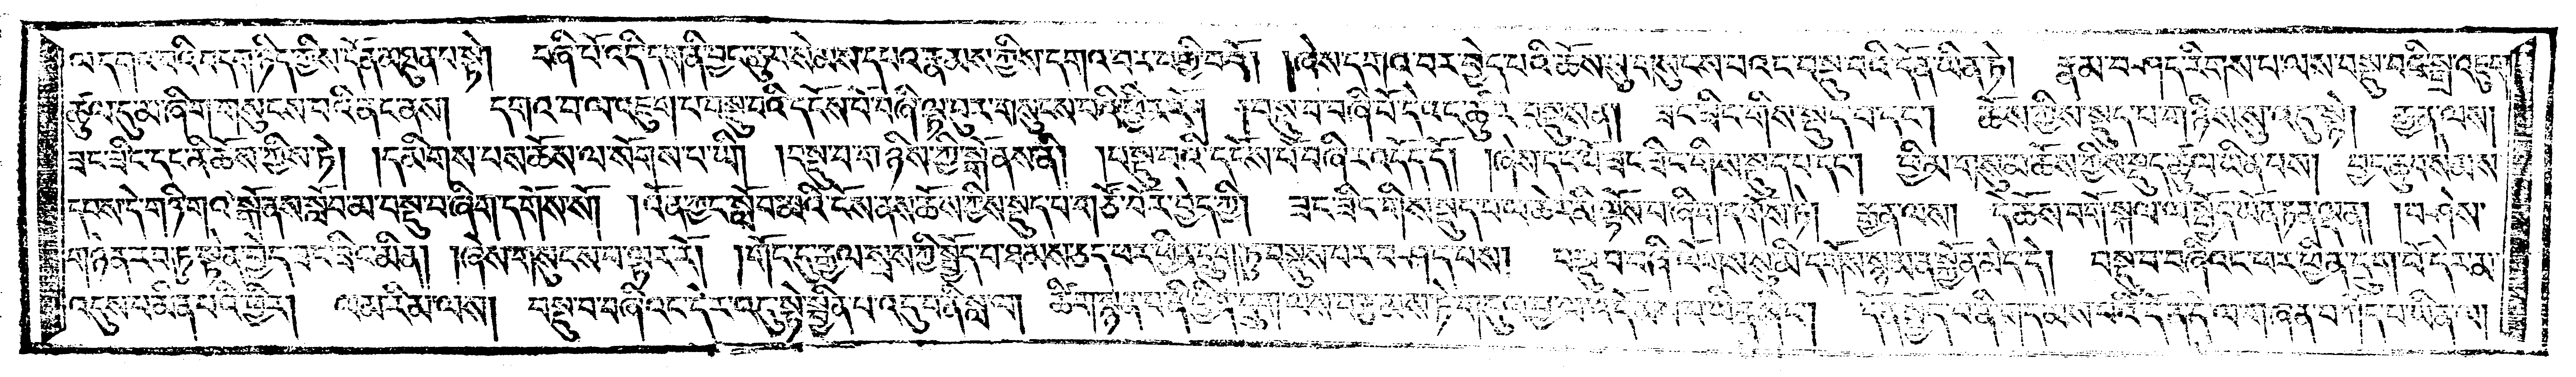ལ་དགའ་བའི་བདག་ཉིད་ཀྱིས་དོན་མཐུན་པ་སྟེ། བཞི་པོ་འདི་དག་ནི་བྱང་ཆུབ་སེམས་དཔའ་རྣམས་ཀྱིས་དགའ་བར་བགྱི་བའོ། །ཞེས་དགའ་བར་བྱེད་པའི་ཆོས་སུ་གསུངས་པའང་བསྡུ་བའི་དོན་ཡིན་ཏེ། རྣམ་བཤད་རིགས་པ་ལས་བསྡུ་བའི་སྒྲ་འཇུག་
ཚུལ་དུ་མ་ཞིག་གསུངས་བའི་ནང་ནས། དགའ་བ་ལ་བརྡུག་པ་བསྡུ་བའི་དངོས་པོ་བཞི་ལྟ་བུར་གསུངས་བའི་ཕྱིར་རོ། །བསྡུ་པ་བཞི་པོ་དེའང་ཚུར་བསྡུས་ན། ཟང་ཟིང་གིས་སྡུད་པ་དང་། ཆོས་ཀྱིས་སྡུད་པ་གཉིས་སུ་འདུ་སྟེ། རྒྱན་ལས།
ཟང་ཟིང་དང་ནི་ཆོས་ཀྱིས་ཏེ། །དམིགས་པས་ཆོས་ལ་སོགས་པ་ཡི། །བསྡུ་བ་གཉིས་ཀྱི་སྒོ་ནས་ནི། །བསྡུ་བའི་དངོས་པོ་བཞིར་འདོད་དོ། །ཞེས་དང་པོ་ཟང་ཟིང་གི་སྡུད་པ་དང་། ཕྱི་མ་གསུམ་ཆོས་ཀྱིས་སྡུད་ཚུལ་ཡིན་པས། བྱང་ཆུབ་སེམས་
དཔས་ཏེ་གཉི་གའི་སྒོ་ནས་སློབ་མ་བསྡུ་བ་ཞིག་དགོས་སོ། འོན་ཀྱང་སློབ་མའི་ངོས་ནས་ཆོས་ཀྱིས་སྡུད་པ་གཙོ་བོར་བྱེད་ཀྱི། ཟང་ཟིང་གིས་སྡུད་པ་ལ་ཆེར་མི་ལྟོས་པ་ཞིག་དགོས་ཏེ། རྒྱན་ལས། དེ་ཆོས་བགོ་སྐལ་ལ་སྤྱོད་ཡོན་ཏན་ལྡན། །བཤེས་
གཉེན་རབ་ཏུ་སྟེན་བྱེད་ཟང་ཟིང་མིན། །ཞེས་གསུངས་པ་ལྟར་རོ། །གོང་དུ་རྒྱལ་སྲས་ཀྱི་སྤྱོད་པ་ཐམས་ཅད་ཕར་ཕྱིན་དྲུག་ཏུ་བསྡུས་པར་བཤད་པས། བསྡུ་བ་བཞི་ལོགས་སུ་མི་དགོས་སྙམ་ན་སྐྱོན་མེད་དེ། །བསྡུ་པ་བཞིའང་ཕར་ཕྱིན་དྲུག་པོ་དེར་མ་
འདུས་པ་མིན་པའི་ཕྱིར། ལམ་རིམ་ལས། བསྡུ་བཞིའང་དེར་འདུ་སྟེ་སྦྱིན་པ་འདུས་ནི་སླ་ལ། ཚིག་སྙན་པ་ནི་ཕྱིན་དྲུག་ལས་བརྩམས་ཏེ་གདུལ་བྱ་ལ་འདོམས་པ་ཡིན་ཞིང་། དོན་སྤྱོད་པ་ནི་གདམས་པའི་དོན་དེ་ལ་གཞན་བཀོད་པ་ཡིན་ལ།